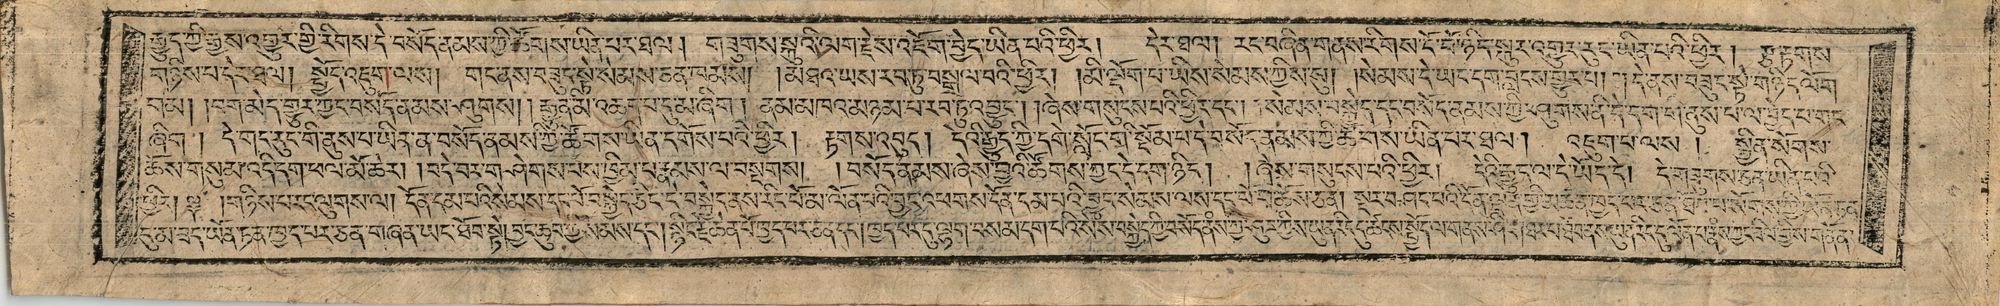རྒྱུད་ཀྱི་རྒྱས་འགྱུར་གྱི་རིགས་དེ་བསོད་ནམས་ཀྱི་ཚོགས་ཡིན་པར་ཐལ། གཟུགས་སྐུའི་ལག་རྗེས་འཇོག་བྱེད་ཡིན་པའི་ཕྱིར། དེར་ཐལ། རང་བཞིན་གནས་རིགས་ངོ་བོ་ཉིད་སྐུར་འགྱུར་རུང་ཡིན་པའི་ཕྱིར། རྩ་རྟགས་
གཉིས་པ་དེར་ཐལ། སྤྱོད་འཇུག་ལས། གང་ནས་བཟུང་སྟེ་སེམས་ཅན་ཁམས། །མཐའ་ཡས་རབ་ཏུ་བསྒྲལྦའི་ཕྱིར། །མི་ལྡོག་པ་ཡིས་སེམས་ཀྱིས་སུ། །སེམས་དེ་ཡང་དག་བླངས་གྱུར་པ། །དེ་ནས་བཟུང་སྟེ་གཉིད་ལོག་
གམ། །བག་མེད་གྱུར་ཀྱང་བསོད་ནམས་ཤུགས། །རྒྱུན་མི་འཆད་པ་དུ་མ་ཞིག །ནམ་མཁའ་མཉམ་པ་རབ་ཏུ་འབྱུང་། །ཞེས་གསུངས་པའི་ཕྱིར་དང་། །སེམས་བསྐྱེད་དང་བསོད་ནམས་ཀྱི་ཤུགས་ནི་དེ་དག་གི་ནུས་པ་ལ་བྱེད་པ་གང་
ཞིག །དེ་གང་རུང་གི་ནུས་པ་ཡིན་ན་བསོད་ནམས་ཀྱི་ཚོགས་ཡིན་དགོས་པའི་ཕྱིར། རྟགས་འབུད། དེའི་རྒྱུད་ཀྱི་དགེ་སློང་གི་སྡོམ་པ་དེ་བསོད་ནམས་ཀྱི་ཚོགས་ཡིན་པར་ཐལ། འཇུག་པ་ལས། སྦྱིན་སོགས་
ཆོས་གསུམ་འདི་དག་ཕལ་མོ་ཆེར། །བདེ་བར་གཤེགས་པས་ཁྱིམ་པ་རྣམས་ལ་བསྔགས། །བསོད་ནམས་ཞེས་བྱའི་ཚོགས་ཀྱང་དེ་དག་ཉིད། །ཞེས་གསུངས་པའི་ཕྱིར། དེའི་རྒྱུད་ལ་དེ་ཡོད་དེ། དེ་གཟུགས་ཅན་ཡིན་པའི་
ཕྱིར། ༈ །གཉིས་པ་རང་ལུགས་ལ། དོན་དམ་པའི་སེམས་དང་པོ་བསྐྱེད་ཅིང་དེ་བསྐྱེད་ནས་རིང་པོ་མ་ལོན་པའི་བྱང་འཕགས་དོན་དམ་པའི་བྱུང་སེམས་ལས་དང་པོ་བ་ཆོས་ཅན། སྔར་བཤད་པའི་དོན་ལྡན་གྱི་མཚན་ཁྱད་པར་ཅན་ཐོབ་པ་སོགས་ཀྱི་ཡོན་ཏན་
དུ་མ་ཟད་ཡོན་ཏན་ཁྱད་པར་ཅན་གཞན་ཡང་ཐོབ་སྟེ། བྱང་ཆུབ་ཀྱི་སེམས་དང་། སྙིང་རྗེ་ཆེན་པོ་ཁྱད་པར་ཅན་དང་། ཁྱད་པར་དུ་ལྷག་བསམ་དག་པའི་སེམས་བསྐྱེད་ཀྱི་བསོད་ནམས་ཀྱི་ཤུགས་ཀྱིས་ཡུན་རིང་དུ་ཚངས་སྤྱོད་ལ་གནས་ཤིང་། ཐར་པ་ཐོབ་ནས་ཡུན་རིང་དུ་ལོན་པ་རྣམས་ཀྱང་ཟིལ་གྱིས་གནོན་